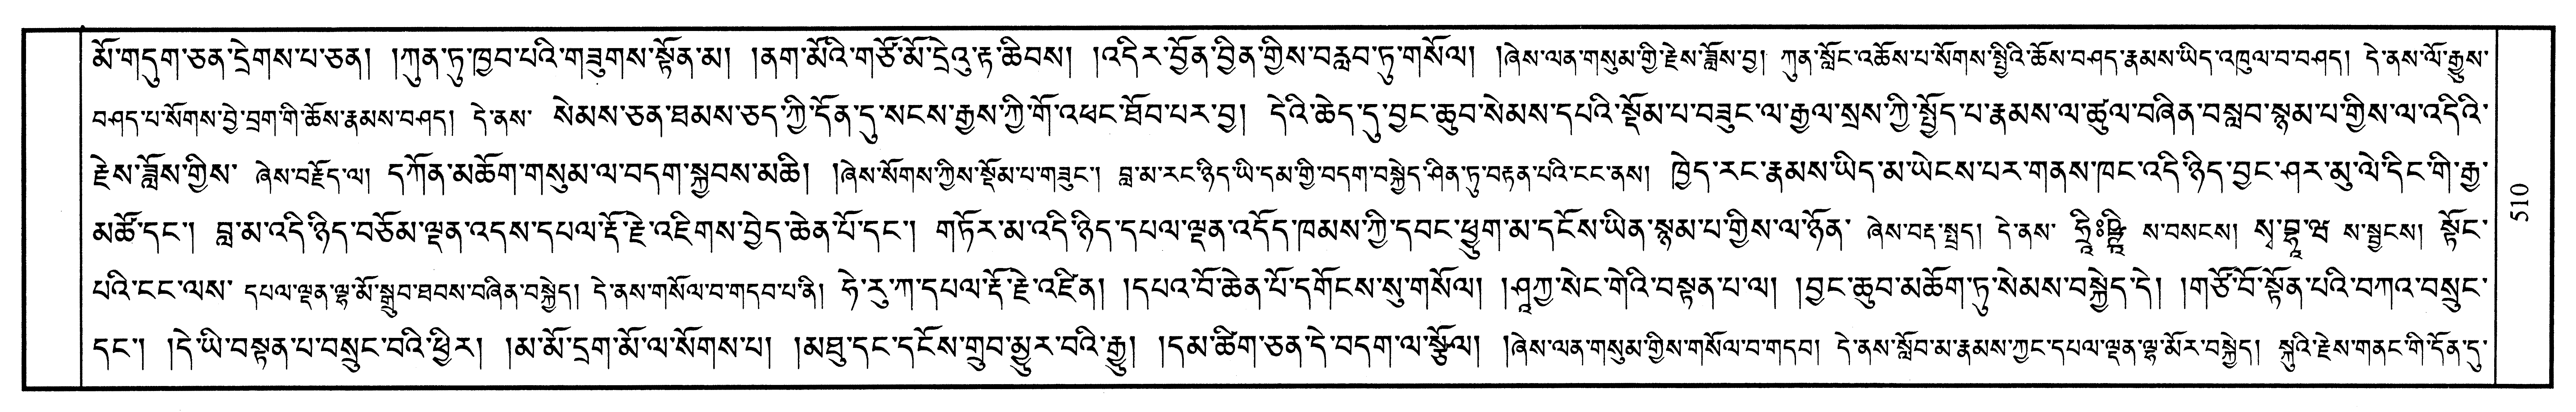མོ་གདུག་ཅན་དྲེགས་པ་ཅན། །ཀུན་ཏུ་ཁྱབ་པའི་གཟུགས་སྟོན་མ། །ནག་མོའི་གཙོ་མོ་དྲེའུ་རྟ་ཆིབས། །འདིར་བྱོན་བྱིན་གྱིས་བརླབ་ཏུ་གསོལ། །ཞེས་ལན་གསུམ་གྱི་རྗེས་ཟློས་བྱ། ཀུན་སློང་འཆོས་པ་སོགས་སྤྱིའི་ཆོས་བཤད་རྣམས་ཡིད་འཁུལ་བ་བཤད། དེ་ནས་ལོ་རྒྱུས་
བཤད་པ་སོགས་བྱེ་བྲག་གི་ཆོས་རྣམས་བཤད། དེ་ནས་སེམས་ཅན་ཐམས་ཅད་ཀྱི་དོན་དུ་སངས་རྒྱས་ཀྱི་གོ་འཕང་ཐོབ་པར་བྱ། དེའི་ཆེད་དུ་བྱང་ཆུབ་སེམས་དཔའི་སྡོམ་པ་བཟུང་ལ་རྒྱལ་སྲས་ཀྱི་སྤྱོད་པ་རྣམས་ལ་ཚུལ་བཞིན་བསླབ་སྙམ་པ་གྱིས་ལ་འདིའི་
རྗེས་ཟློས་གྱིས་ཞེས་བརྗོད་ལ། དཀོན་མཆོག་གསུམ་ལ་བདག་སྐྱབས་མཆི། །ཞེས་སོགས་ཀྱིས་སྡོམ་པ་གཟུང་། བླ་མ་རང་ཉིད་ཡི་དམ་གྱི་བདག་བསྐྱེད་ཤིན་ཏུ་བརྟན་པའི་ངང་ནས། ཁྱེད་རང་རྣམས་ཡིད་མ་ཡེངས་པར་གནས་ཁང་འདི་ཉིད་བྱང་ཤར་མུ་ལེ་དིང་གི་རྒྱ་
མཚོ་དང་། བླ་མ་འདི་ཉིད་བཅོམ་ལྡན་འདས་དཔལ་རྡོ་རྗེ་འཇིགས་བྱེད་ཆེན་པོ་དང་། གཏོར་མ་འདི་ཉིད་དཔལ་ལྡན་འདོད་ཁམས་ཀྱི་དབང་ཕྱུག་མ་དངོས་ཡིན་སྙམ་པ་གྱིས་ལ་ཉོན་ཞེས་བརྡ་སྤྲད། དེ་ནས་ཧྲཱིཿཥྚཱི་ས་བསངས། སྭ་བྷཱ་ཝ་ས་སྦྱངས། སྟོང་
པའི་ངང་ལས་དཔལ་ལྡན་ལྷ་མོ་སྒྲུབ་ཐབས་བཞིན་བསྐྱེད། དེ་ནས་གསོལ་བ་གདབ་པ་ནི། ཧེ་རུ་ཀ་དཔལ་རྡོ་རྗེ་འཛིན། །དཔའ་བོ་ཆེན་པོ་དགོངས་སུ་གསོལ། །ཤཱཀྱ་སེང་གེའི་བསྟན་པ་ལ། །བྱང་ཆུབ་མཆོག་ཏུ་སེམས་བསྐྱེད་དེ། །གཙོ་བོ་སྟོན་པའི་བཀའ་བསྲུང་
དང་། །དེ་ཡི་བསྟན་པ་བསྲུང་བའི་ཕྱིར། །མ་མོ་དྲག་མོ་ལ་སོགས་པ། །མཐུ་དང་དངོས་གྲུབ་མྱུར་བའི་རྒྱུ། །དམ་ཚིག་ཅན་དེ་བདག་ལ་སྩོལ། །ཞེས་ལན་གསུམ་གྱིས་གསོལ་བ་གདབ། དེ་ནས་སློབ་མ་རྣམས་ཀྱང་དཔལ་ལྡན་ལྷ་མོར་བསྐྱེད། སྐུའི་རྗེས་གནང་གི་དོན་དུ་